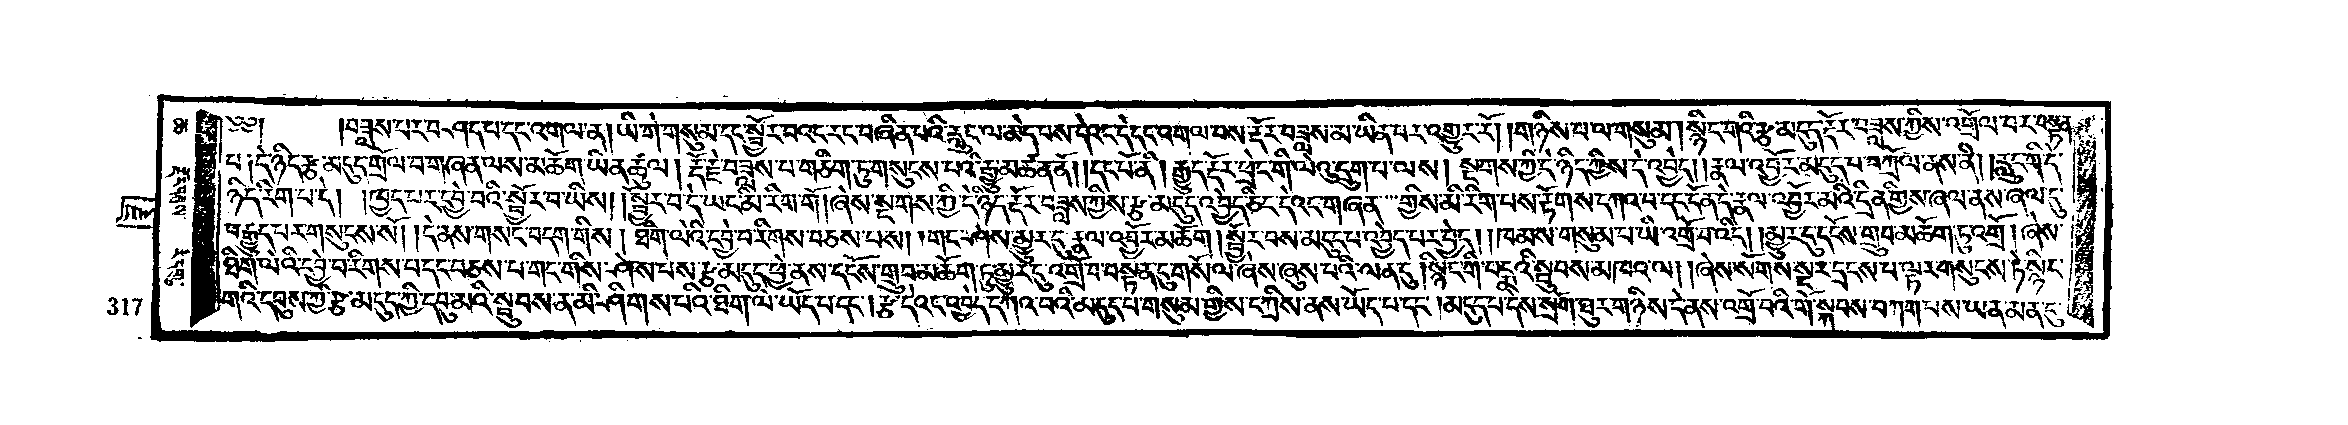༄༅། །བཟླས་པར་བཤད་པ་དང་འགལ་ན། ཡི་གེ་གསུམ་དང་སྦྱོར་བའང་རང་བཞིན་པའི་རླུང་ལ་མེད་པས་དེའང་དེ་དང་འགལ་བས་རྡོར་བཟླས་མ་ཡིན་པར་འགྱུར་རོ། །གཉིས་པ་ལ་གསུམ། སྙིང་གའི་རྩ་མདུད་རྡོར་བཟླས་ཀྱིས་འགྲོལ་བར་བསྟན་
པ། དེ་ཉིད་རྩ་མདུད་གྲོལ་བ་གཞན་ལས་མཆོག་ཡིན་ཚུལ། རྡོ་རྗེ་བཟླས་པ་གཅིག་ཏུ་གསུངས་པའི་རྒྱུ་མཚན་ནོ། །དང་པོ་ནི། རྒྱུད་རྡོར་ཕྲེང་གི་ལེའུ་དྲུག་པ་ལས། སྔགས་ཀྱི་དེ་ཉིད་ཀྱིས་དེ་འབྱེད། །རྣལ་འབྱོར་མདུད་པ་བཀྲོལ་ནས་ནི། །རླུང་གི་དེ་
ཉིད་རིག་པ་དེ། །ཁྱད་པར་དབྱེ་བའི་སྦྱོར་བ་ཡིས། །སྦྱོར་བ་དེ་ཡང་མི་རིག་གོ །ཞེས་སྔགས་ཀྱི་དེ་ཉིད་རྡོར་བཟླས་ཀྱིས་རྩ་མདུད་འབྱེད་ཅིང་དེའང་གཞན་གྱིས་མི་རིག་པས་རྟོགས་དཀའ་བ་དང་དོན་དེ་རྣལ་འབྱོར་མའི་དྲིན་གྱིས་ཞལ་ནས་ཞལ་དུ་
བརྒྱུད་པར་གསུངས་སོ། །དེ་ནས་གསང་བདག་གིས། ཐིག་ལེའུ་དབྱེ་བ་རིགས་བཅས་པས། །གང་ཤེས་མྱུར་དུ་རྣལ་འབྱོར་མཆོག །སྦྱོར་བས་མདུད་པ་འབྱེད་པར་བྱེད། །ཁམས་གསུམ་པ་ཡི་འགྲོ་བ་འདི། །མྱུར་དུ་དངོས་གྲུབ་མཆོག་ཏུ་འགྲོ། ཞེས་
ཐིག་ལེའི་དབྱེ་བ་རིགས་པ་དང་བཅས་པ་གང་གིས་ཤེས་པས་རྩ་མདུད་ཕྱེ་ནས་དངོས་གྲུབ་མཆོག་ཏུ་མྱུར་དུ་འགྲོ་བ་བསྟན་དུ་གསོལ་ཞེས་ཞུས་པའི་ལན་དུ། སྙིང་གི་པདམའི་སྦུབས་མཁའ་ལ། །ཞེས་སོགས་སྔར་དྲངས་པ་ལྟར་གསུངས་ཏེ་སྙིང་
གའི་དབུས་ཀྱི་རྩ་མདུད་ཀྱི་དབུ་མའི་སྦུབས་ན་མི་ཤིགས་པའི་ཐིག་ལེ་ཡོད་པ་དང་། རྩ་དེའང་འབྱེད་དཀའ་བའི་མདུད་པ་གསུམ་གྱིས་དཀྲིས་ནས་ཡོད་པ་དང་། མདུད་པ་དེས་སྲོག་ཐུར་གཉིས་དེ་ནས་འགྲོ་བའི་གོ་སྐབས་བཀག་པས་ཡན་མན་དུ་